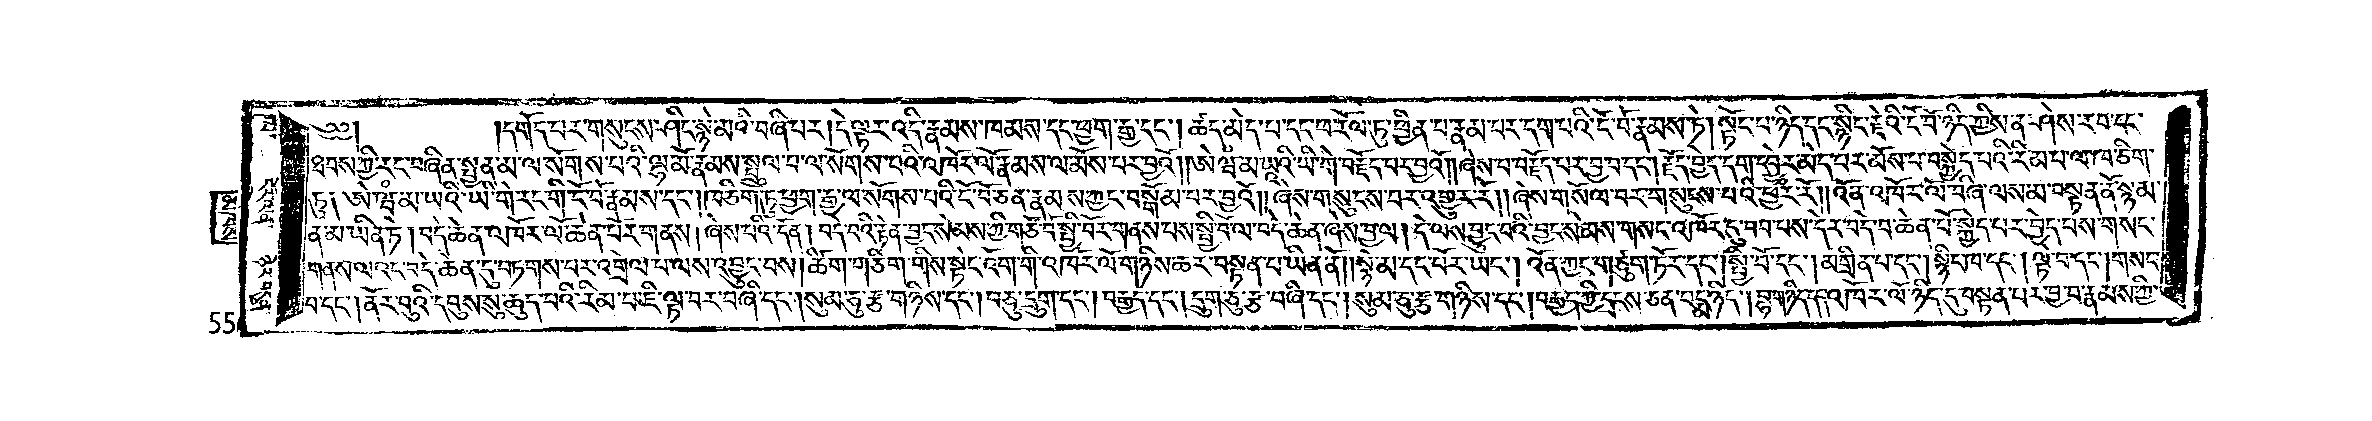༄༅། །དགོད་པར་གསུངས་ཤིང་སྙེ་མའི་བཞི་པར། དེ་ལྟར་འདི་རྣམས་ཁམས་དང་ཕྱག་རྒྱ་དང་། ཚད་མེད་པ་དང་ཕ་རོལ་ཏུ་ཕྱིན་པ་རྣམ་པར་དག་པའི་ངོ་བོ་རྣམས་ཏེ། སྟོང་པ་ཉིད་དང་སྙིང་རྗེའི་ངོ་བོ་ཉིད་ཀྱིས་ན་ཤེས་རབ་དང་
ཐབས་ཀྱི་རང་བཞིན་སྤྱན་མ་ལ་སོགས་པའི་ལྷ་མོ་རྣམས་སྤྲུལ་པ་ལ་སོགས་པའི་འཁོར་ལོ་རྣམས་ལ་མོས་པར་བྱའོ། །ཨེ་ཝཾ་མ་ཡཱའི་ཡི་གེ་བརྗོད་པར་བྱའོ། །ཞེས་པ་བརྗོད་པར་བྱ་བ་དང་། རྗོད་བྱེད་དག་དབྱེར་མེད་པར་མོས་པ་བསྐྱེད་པའི་རིམ་པ་ལ་ཁ་ཅིག་
ཏུ༑ ཨེ་ཝཾ་མ་ཡའི་ཡི་གེ་རང་གི་ངོ་བོ་རྣམས་དང་། ཁ་ཅིག་ཏུ་ཕྱག་རྒྱ་ལ་སོགས་པའི་ངོ་བོ་ཅན་རྣམས་ཀྱང་བསྒོམ་པར་བྱའོ། །ཞེས་གསུངས་པར་འགྱུར་རོ། །ཞེས་གསོལ་བར་གསུངས་པའི་ཕྱིར་རོ། །འོ་ན་འཁོར་ལོ་བཞི་ལས་མ་བསྟན་ནོ་སྙམ་
ན་མ་ཡིན་ཏེ། བདེ་ཆེན་འཁོར་ལོ་ཆེན་པོར་གནས། ཞེས་པའི་དོན། བདེ་བའི་རྟེན་བྱང་སེམས་ཀྱི་གཙོ་བོ་སྤྱི་བོར་གནས་པས་སྤྱི་བོ་ལ་བདེ་ཆེན་ཞེས་བྱ་ལ། དེ་ལས་བྱུང་བའི་བྱང་སེམས་གསང་འཁོར་དུ་བབ་པས་དེར་བདེ་བ་ཆེན་པོ་སྐྱེད་པར་བྱེད་པས་གསང་
གནས་ལའང་བདེ་ཆེན་དུ་བཏགས་པར་འགྲེལ་པ་ལས་འབྱུང་བས། ཚིག་གཅིག་གིས་སྟེང་འོག་གི་འཁོར་ལོ་གཉིས་ཆར་བསྟན་པ་ཡིན་ནོ། །སྙེ་མ་དང་པོར་ཡང་། འོན་ཀྱང་གཙུག་ཏོར་དང་། སྤྱི་བོ་དང་། མགྲིན་པ་དང་། སྙིང་ཁ་དང་། ལྟེ་བ་དང་། གསང་
བ་དང་། ནོར་བུའི་དབུས་སུ་ཆུད་པའི་རིམ་པ་ཇི་ལྟ་བར་བཞི་དང་། སུམ་ཅུ་རྩ་གཉིས་དང་། བཅུ་དྲུག་དང་། བརྒྱད་དང་། དྲུག་ཅུ་རྩ་བཞི་དང་། སུམ་ཅུ་རྩ་གཉིས་དང་། བརྒྱད་ཀྱི་དྲངས་ཅན་པདམ་ཉིད། བྷ་ག་ཉིད་དད་འཁོར་ལོ་ཉིད་དུ་བསྟན་པར་བྱ་བ་རྣམས་ཀྱི་